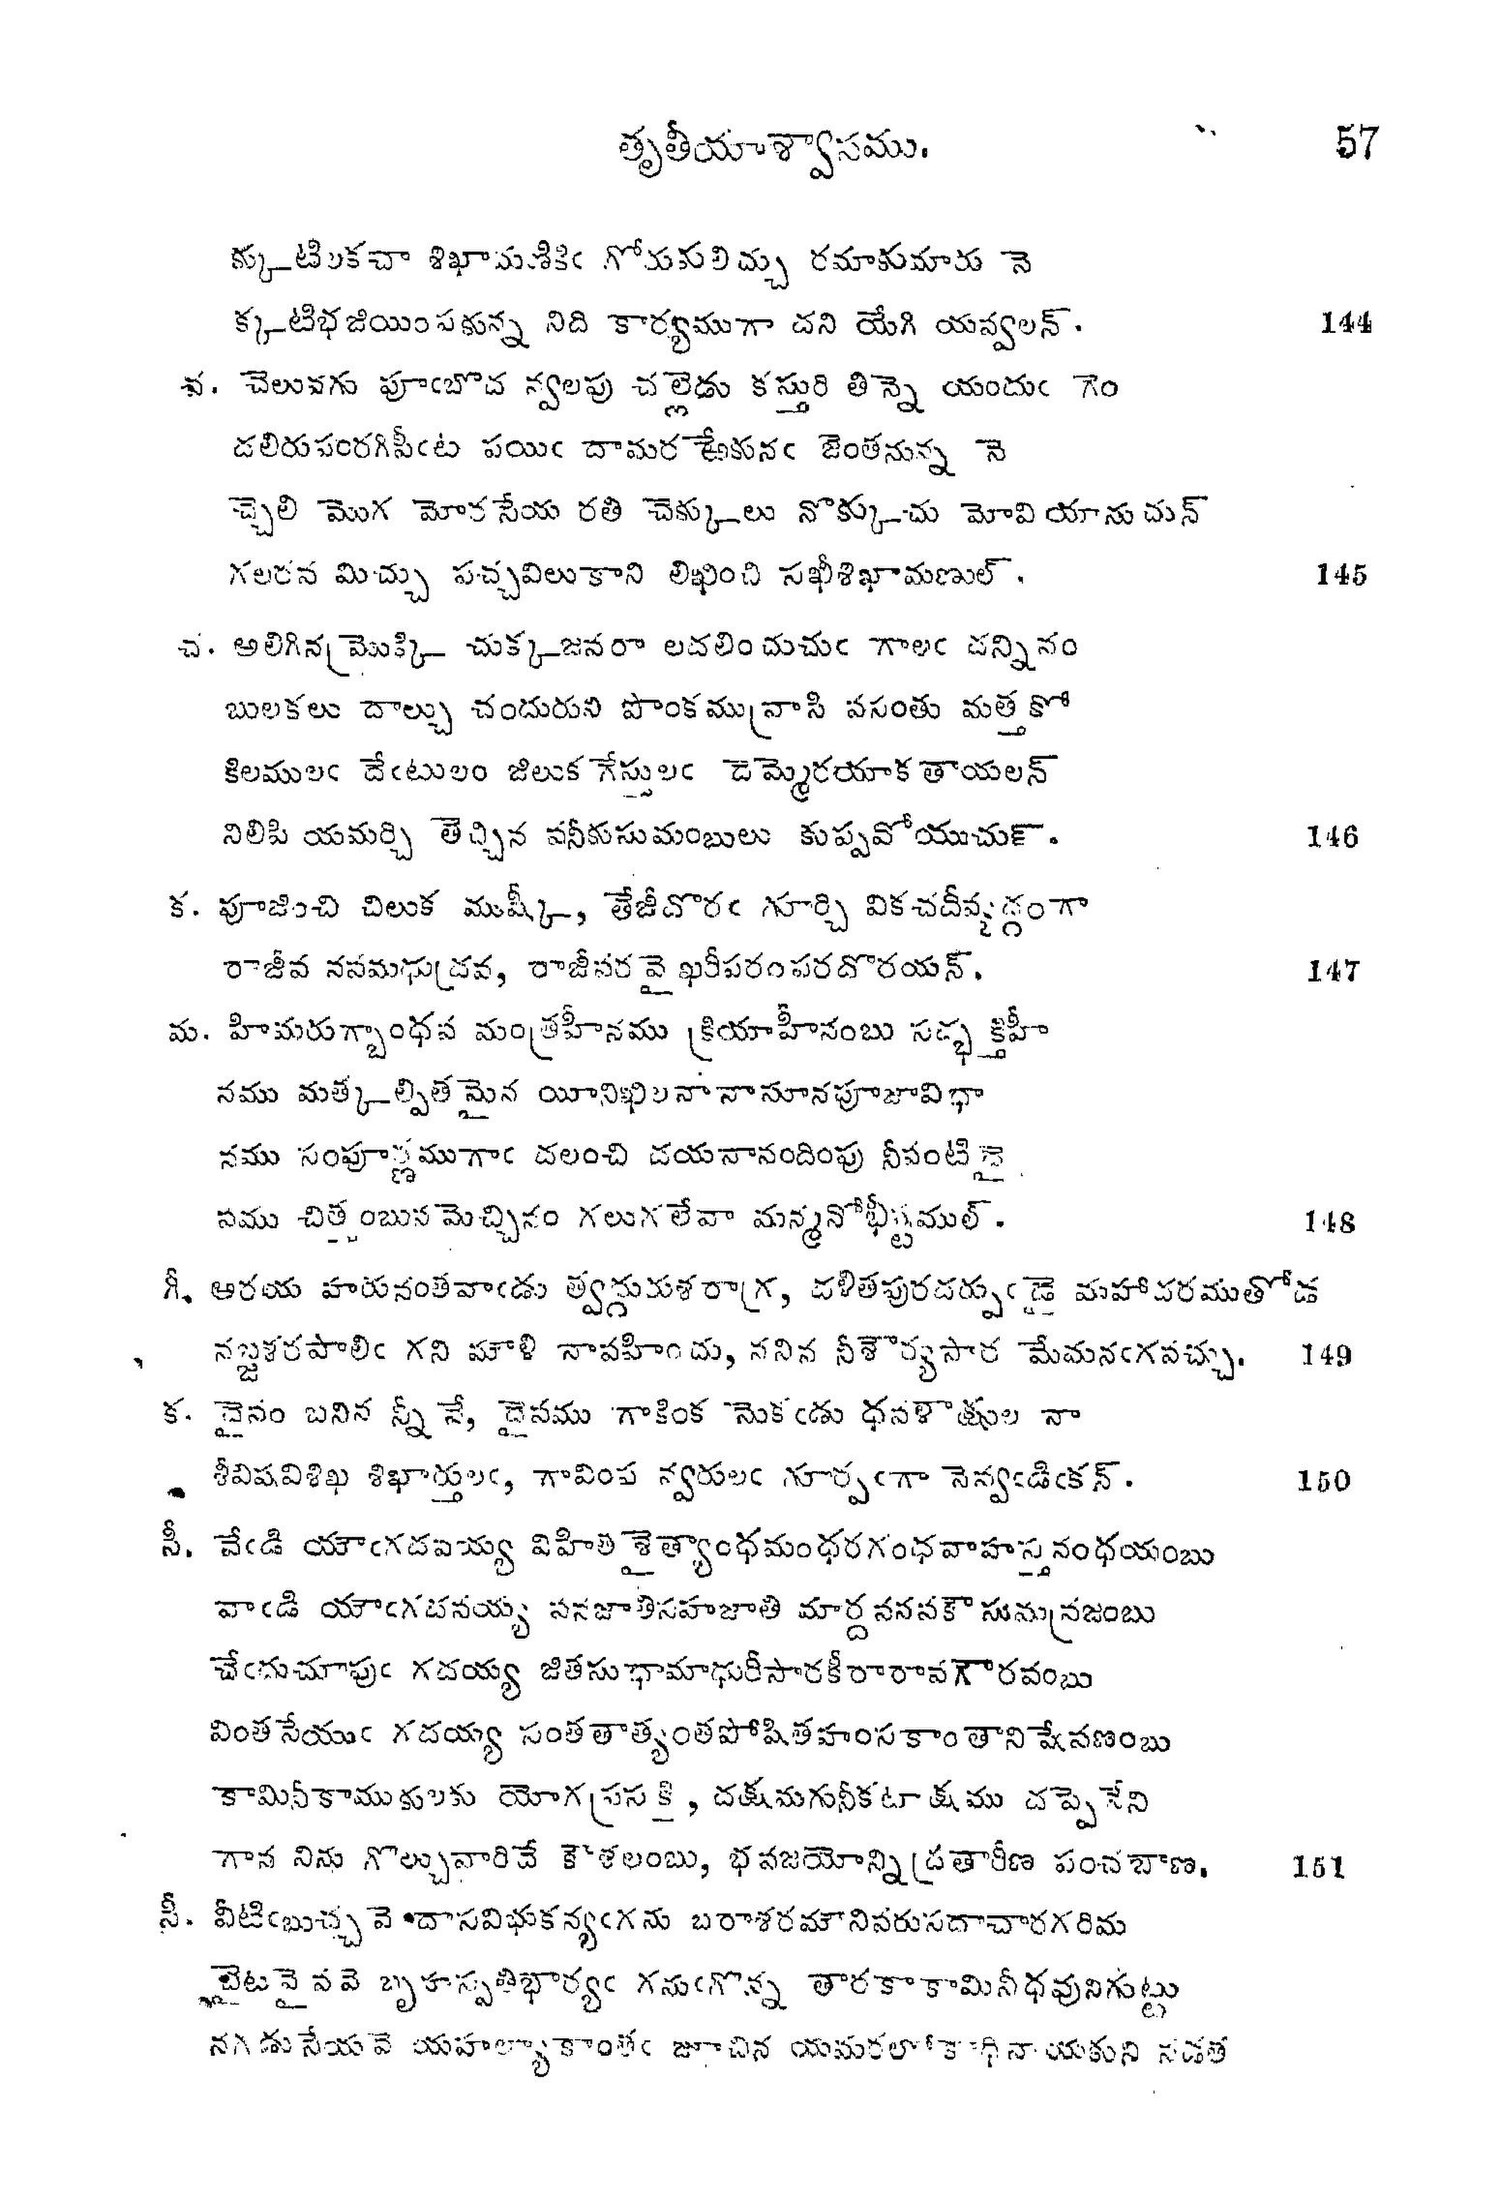క్కుటిలకచాశిఖామణికిఁ గోరుకులిచ్చు రమాకుమారు నె
క్కటి భజియింపకున్న నిది కార్యముగా దని యేగి యవ్వలన్.
వ. చెలువగు పూఁబొద న్వలపు చల్లెడు కస్తురితిన్నెయందుఁ గెం
దలిరుపరంగిపీఁటపయిఁ దామరఱేకునఁ జెంతనున్న నె
చ్చెలి మొగ మోరసేయ రతి చెక్కులు నొక్కుచు మోవి యానుచున్
గలరవ మిచ్చు పచ్చవిలుకాని లిఖించి సఖీశిఖామణుల్.
చ. అలిగిన మ్రొక్కి చుక్కజవరా లదలించుచుఁ గాలఁ దన్నినం
బులకలు దాల్చు చందురుని పొంకము వ్రాసి వసంతు మత్తకో
కిలములఁ దేఁటులం జిలుకగేస్తుఁ దెమ్మెరయాకతాయలన్
నిలిపి యమర్చి తెచ్చిన వనీకుసుమంబులు కుప్పవోయుచున్.
క. పూజించి చిలుక ముష్కీ, తేజీదొరఁ గూర్చి వికచదీవ్యద్గంగా
రాజీవ నవమధుద్రవ, రాజీవరవైఖరీపరంపర దొరయన్.
మ. హిమరుగ్భాంధవ మంత్రరహీనము క్రియాహీనంబు సద్భక్తిహీ
నము మత్కల్పితమైన యీనిఖలనానాసూనపూజావిధా
నము సంపూర్ణముగాఁ దలంచి దయ నానందింపు నీవంటి దై
వము చిత్తంబున మెచ్చినం గలుగలేవా మన్మనోభీష్టముల్.
గీ. అరయ హరునంతవాఁడు త్వద్గురుశరాగ్ర, దళితపురదర్పుఁడై మహాదరముతోడ
నబ్జశరపాలిఁ గని మౌళి నావహించు, ననిన నీశౌర్యసార మే మనఁగవచ్చు.
క. దైవం బనిన న్నీవే, దైవము గా కింక నొకఁడు ధవళాక్షుల నా
శీవిషవిశిఖశిఖార్తులఁ, గావింప న్వరులఁ గూర్పఁగా నెవ్వ డిఁకన్.
సీ. వేఁడి యౌఁగదవయ్య విహితశైత్యాంధమంధరగంధవాహస్తనంధయంబు
వాఁడి యౌఁగదనయ్య వనజాతిసహజాతిమార్దననవకౌసుమవ్రజంబు
చేఁదుచూపుఁ గదయ్య జితసుధామాధురీసారకీరారావగౌరవంబు
వింతసేయుఁ గదయ్య సంతతాత్యంతపోషితహంసకాంతానిషేవణంబు
కామినీకాముకులకు యోగప్రసక్తి , దక్షమగు నీకటాక్షము దప్పెనేని
గాన నిను గొల్చువారిదే కౌశలంబు, భవజయోన్నిద్రతారీణ పంచబాణ.
సీ. వీటిఁబుచ్చవె దాసవిభుకన్యఁగను బరాశరమౌనివనరు సదాచారగరిమ
బైట వైవవె బృహస్పతిభార్యఁ గనుఁగొన్న తారకాకామినీధవునిగుట్టు
నగడు సేయవె యహల్యాకాంతఁ జూచిన యమరలోకాధినాయకుని నడత